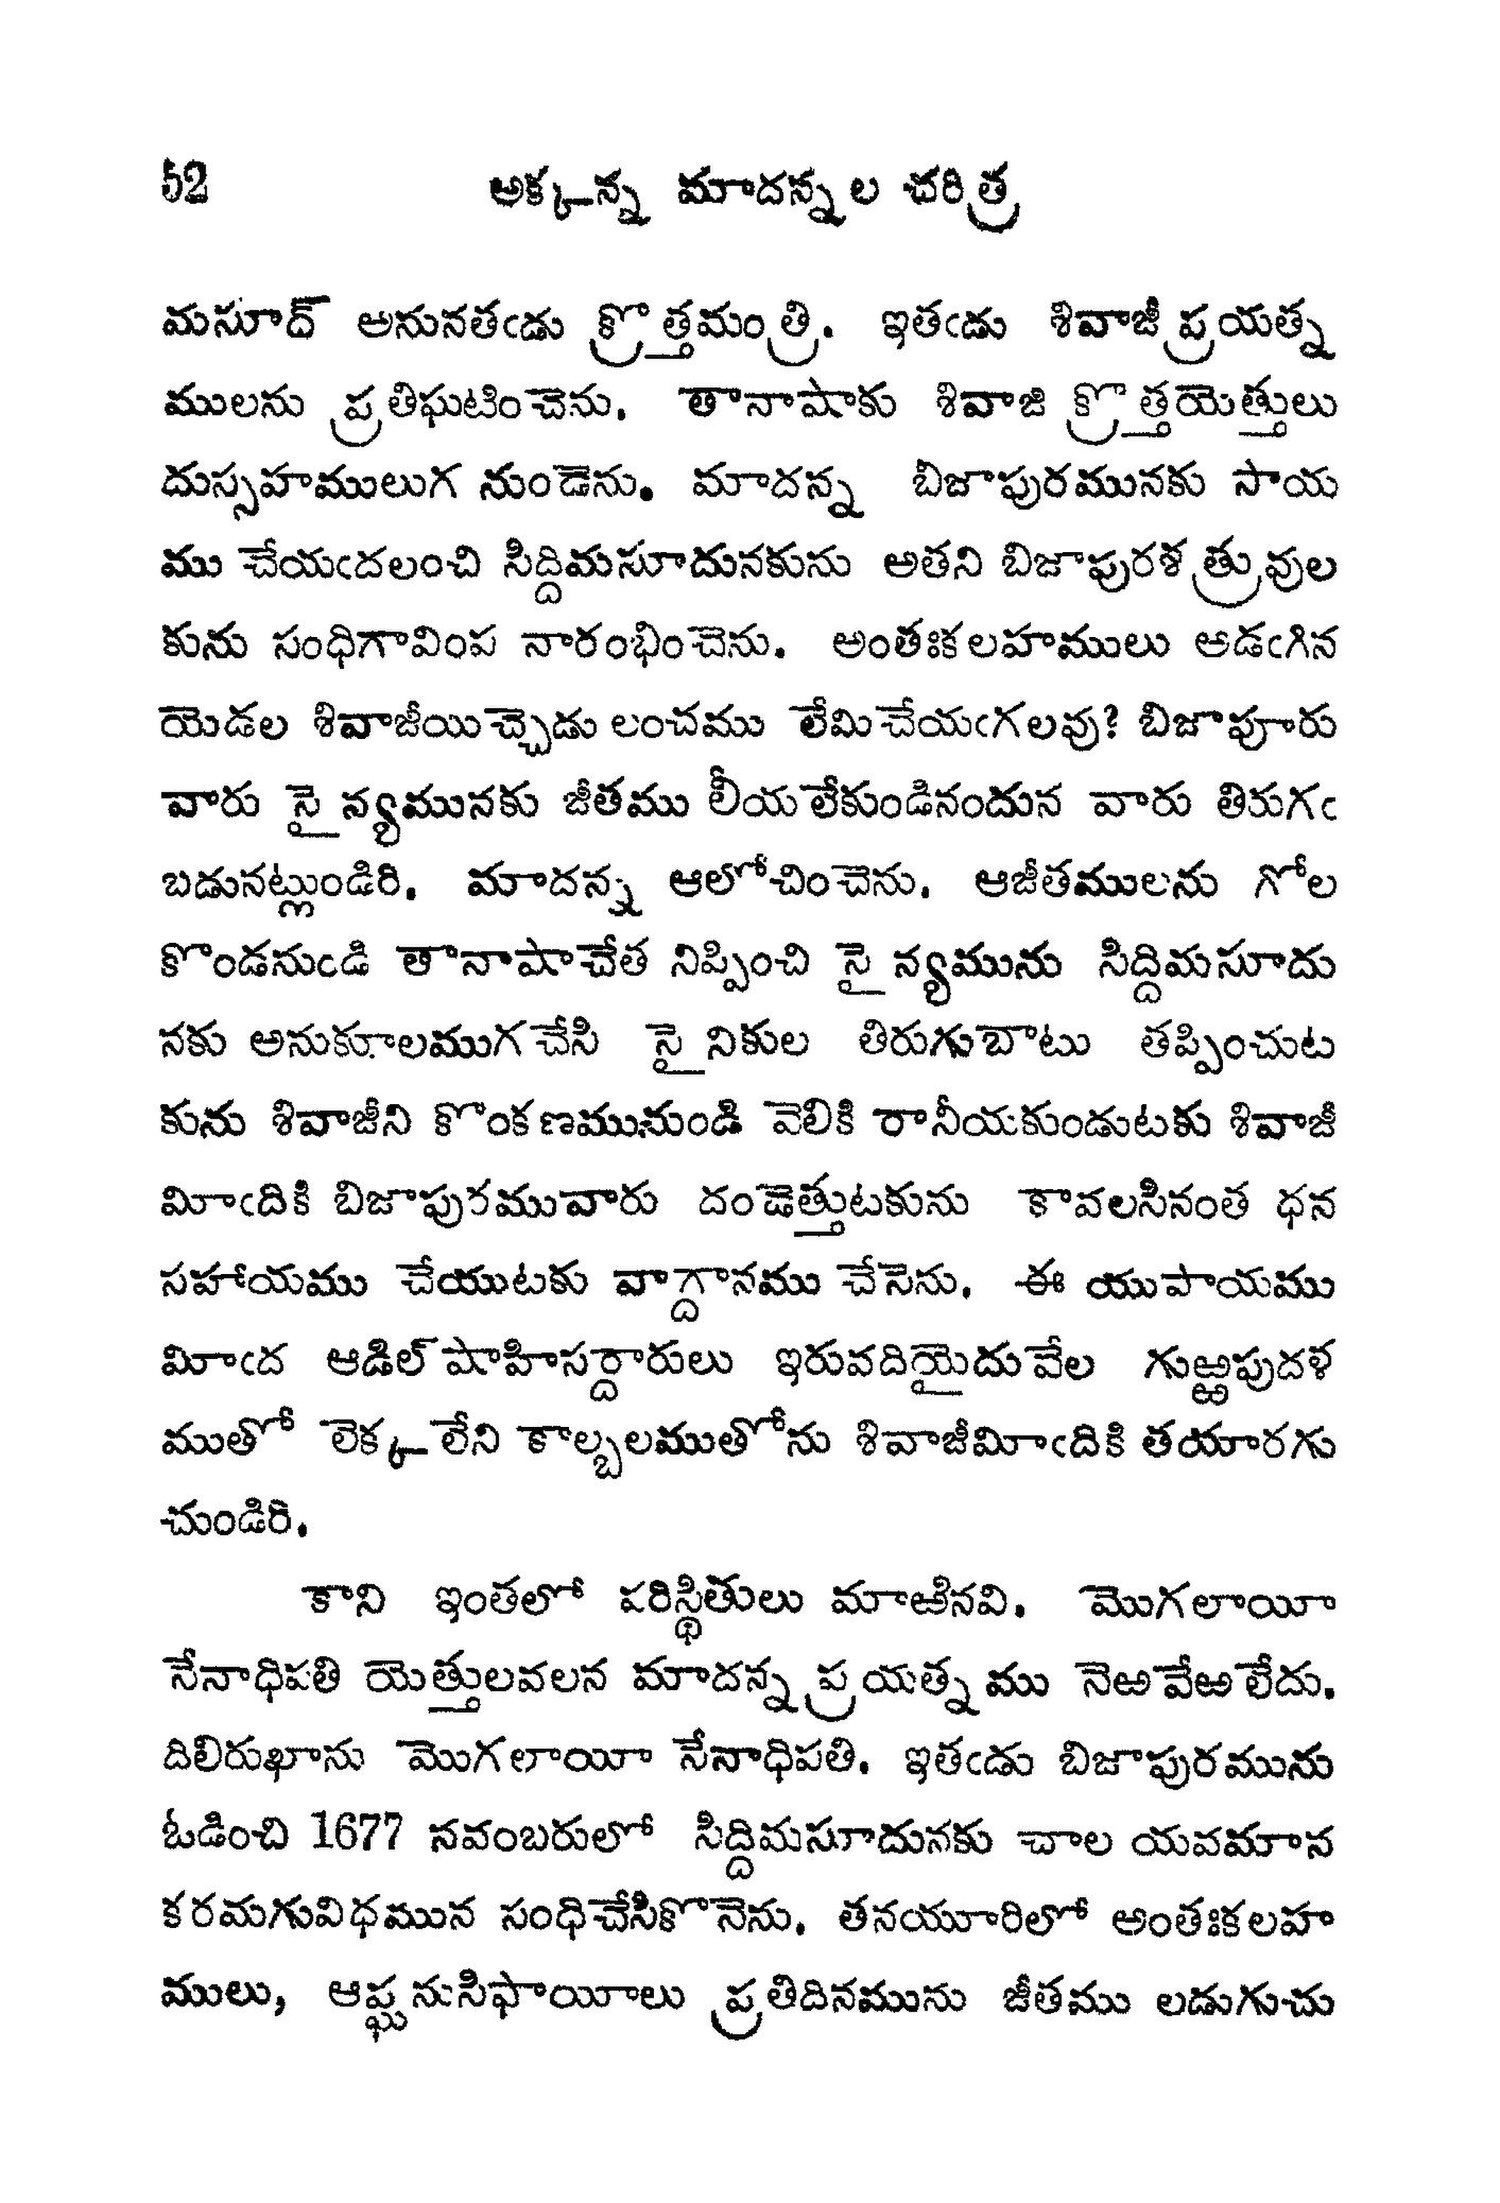మసూద్ అనునతఁడు క్రొత్తమంత్రి. ఇతఁడు శివాజీప్రయత్నములను ప్రతిఘటించెను. తానాషాకు శివాజీ క్రొత్తయెత్తులు దుస్సహములుగ నుండెను. మాదన్న బిజాపురమునకు సాయము చేయఁదలంచి సిద్దిమసూదునకును అతని బిజాపురశత్రువులకును సంధిగావింప నారంభించెను. అంతఃకలహములు అడఁగిన యెడల శివాజీయిచ్చెడు లంచము లేమిచేయఁగలవు? బిజాపూరు వారు సైన్యమునకు జీతము లీయలేకుండినందున వారు తిరుగఁ బడునట్టుండిరి. మాదన్న ఆలోచించెను. ఆజీతములను గోలకొండనుండి తానాషాచేత నిప్పించి సైన్యమును సిద్దిమసూదునకు అనుకూలముగచేసి సైనికుల తిరుగుబాటు తప్పించుటకును శివాజీని కొంకణమునుండి వెలికి రానీయకుండుటకు శివాజీ మీఁదికి బిజాపురమువారు దండెత్తుటకును కావలసినంత ధనసహాయము చేయుటకు వాగ్దానము చేసెను. ఈ యుపాయము మీఁద ఆడిల్‌షాహిసర్దారులు ఇరువదియైదువేల గుఱ్ఱపుదళముతో లెక్కలేని కాల్బలముతోను శివాజీమీఁదికి తయారగు చుండిరి.

కాని ఇంతలో పరిస్థితులు మాఱినవి. మొగలాయీ సేనాధిపతి యెత్తులవలన మాదన్న ప్రయత్నము నెఱవేఱలేదు. దిలిరుఖాను మొగలాయి సేనాధిపతి. ఇతఁడు బిజాపురమును ఓడించి 1677 నవంబరులో సిద్దిమసూదునకు చాల యవమూనకరమగువిధమున సంధిచేసికొనెను. తనయూరిలో అంతఃకలహములు, ఆఫ్ఘనుసిఫాయీలు ప్రతిదినమును జీతము లడుగుచు